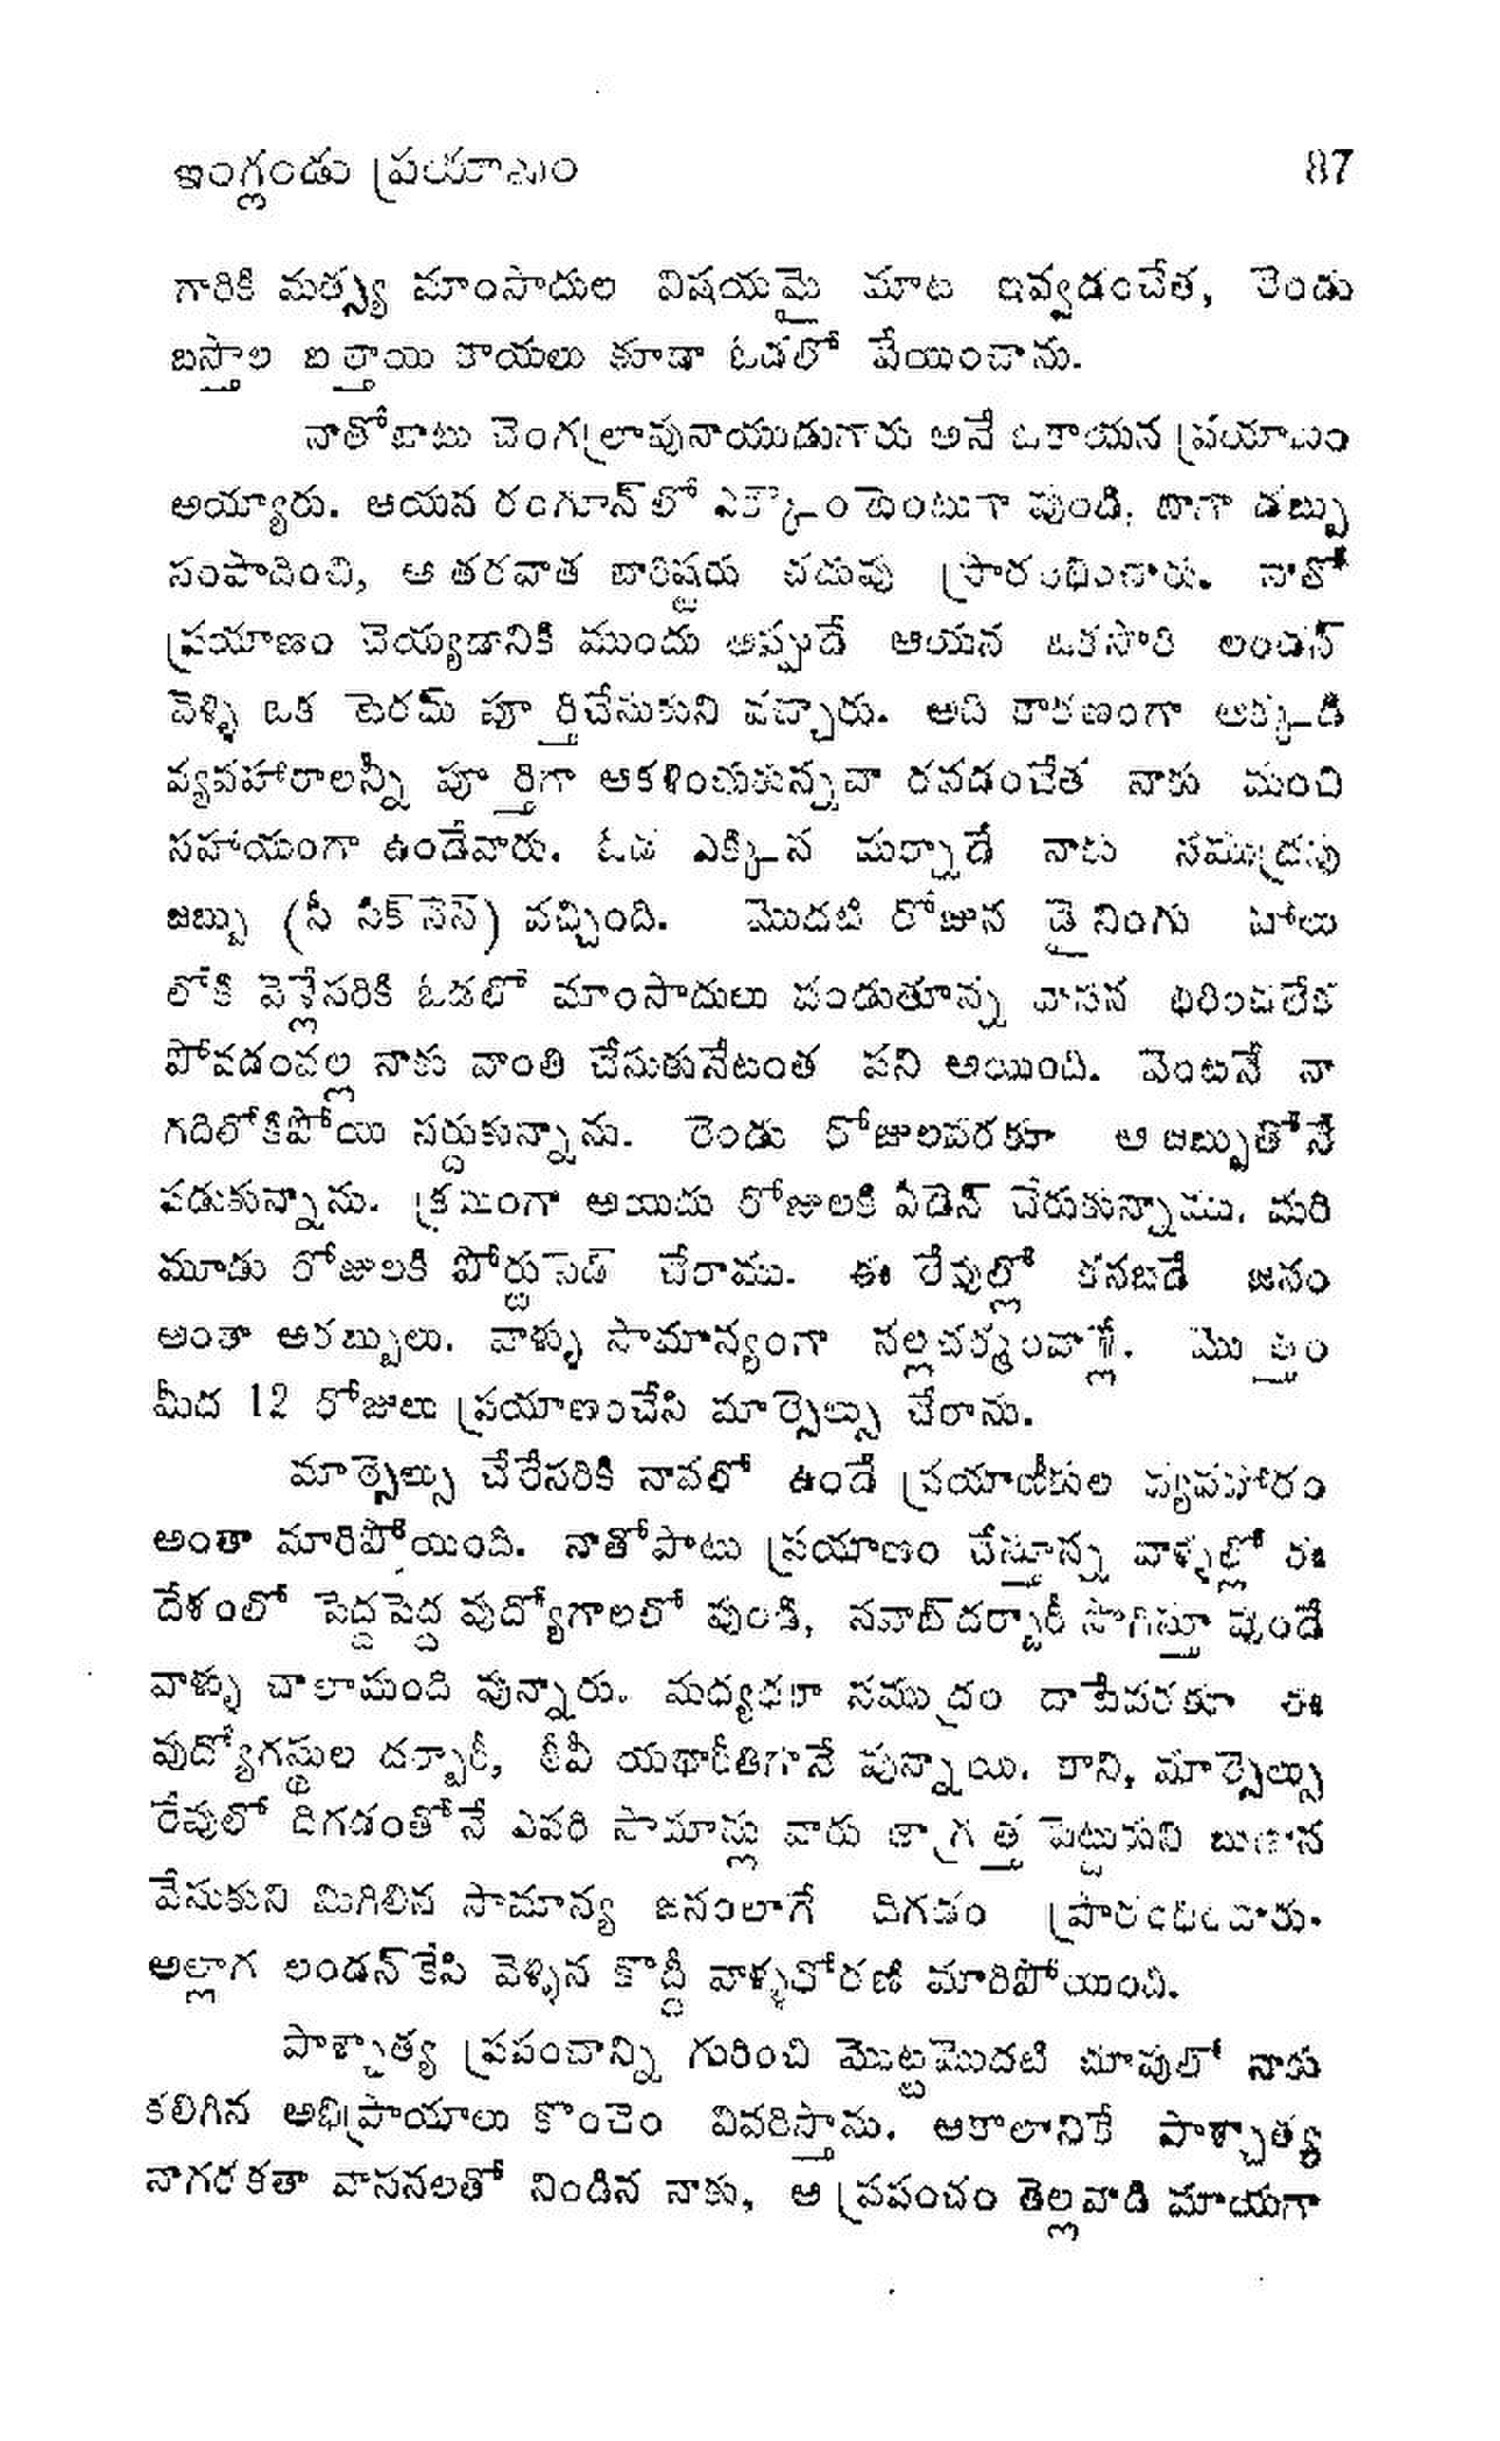గారికి మత్స్య మాంసాదుల విషయమై మాట ఇవ్వడంచేత, రెండు బస్తాల బత్తాయి కాయలు కూడా ఓడలో వేయించాను.

నాతోబాటు చెంగల్రావునాయుడుగారు అనే ఒకాయన ప్రయాణం అయ్యారు. ఆయన రంగూన్‌లో ఎక్కౌంటెంటుగా వుండి, బాగా డబ్బు సంపాదించి, అ తరవాత బారిష్టరు చదువు ప్రారంభించారు. నాతో ప్రయాణం చెయ్యడానికి ముందు అప్పుడే ఆయన ఒకసారి లండన్ వెళ్ళి ఒక టెరమ్ పూర్తిచేసుకుని వచ్చారు. అది కారణంగా అక్కడి వ్యవహారాలన్నీ పూర్తిగా ఆకళించుకున్నవా రవడంచేత నాకు మంచి సహాయంగా ఉండేవారు. ఓడ ఎక్కిన మర్నాడే నాకు సముద్రపు జబ్బు (సీ సిక్ నెస్) వచ్చింది. మొదటి రోజున డైనింగు హాలులోకి వెళ్లేసరికి ఓడలో మాంసాదులు వండుతూన్న వాసన భరించలేక పోవడంవల్ల నాకు వాంతి చేసుకునేటంత పని అయింది. వెంటనే నా గదిలోకిపోయి సర్దుకున్నాను. రెండు రోజులవరకూ ఆ జబ్బుతోనే పడుకున్నాను. క్రమంగా అయిదు రోజులకి ఏడెన్ చేరుకున్నాము. మరి మూడు రోజులకి పోర్టుసెడ్ చేరాము. ఈ రేవుల్లో కనబడే జనం అంతా అరబ్బులు. వాళ్ళు సామాన్యంగా నల్లచర్మంవాళ్లే. మొత్తంమీద 12 రోజులు ప్రయాణంచేసి మార్సెల్సు చేరాను.

మార్సెల్సు చేరేసరికి నావలో ఉండే ప్రయాణీకుల వ్యవహారం అంతా మారిపోయింది. నాతోపాటు ప్రయాణం చేస్తూన్న వాళ్ళలో ఈ దేశంలో పెద్దపెద్ద వుద్యోగాలలో వుండి, నవాబ్‌దర్బారీ సాగిస్తూ వుండేవాళ్ళు చాలామంది వున్నారు. మధ్యధరా సముద్రం దాటేవరకూ ఈ వుద్యోగస్థుల దర్బారీ, ఠీవీ యథారీతిగానేవున్నాయి. కాని, మార్సెల్సు రేవులో దిగడంతోనే ఎవరి సామాన్లు వారు జాగ్రత్త పెట్టుకుని బుజాన వేసుకుని మిగిలిన సామాన్య జనంలాగే దిగడం ప్రారంభించారు. అల్లాగ లండన్‌కేసి వెళ్ళిన కొద్దీ వాళ్ళధోరణి మారిపోయింది.

పాశ్చాత్య ప్రపంచాన్ని గురించి మొట్టమొదటి చూపులో నాకు కలిగిన అభిప్రాయాలు కొంచెం వివరిస్తాను. ఆకాలానికే పాశ్చాత్య నాగరకతా వాసనలతో నిండిన నాకు, ఆ ప్రపంచం తెల్లవాడి మాయగా